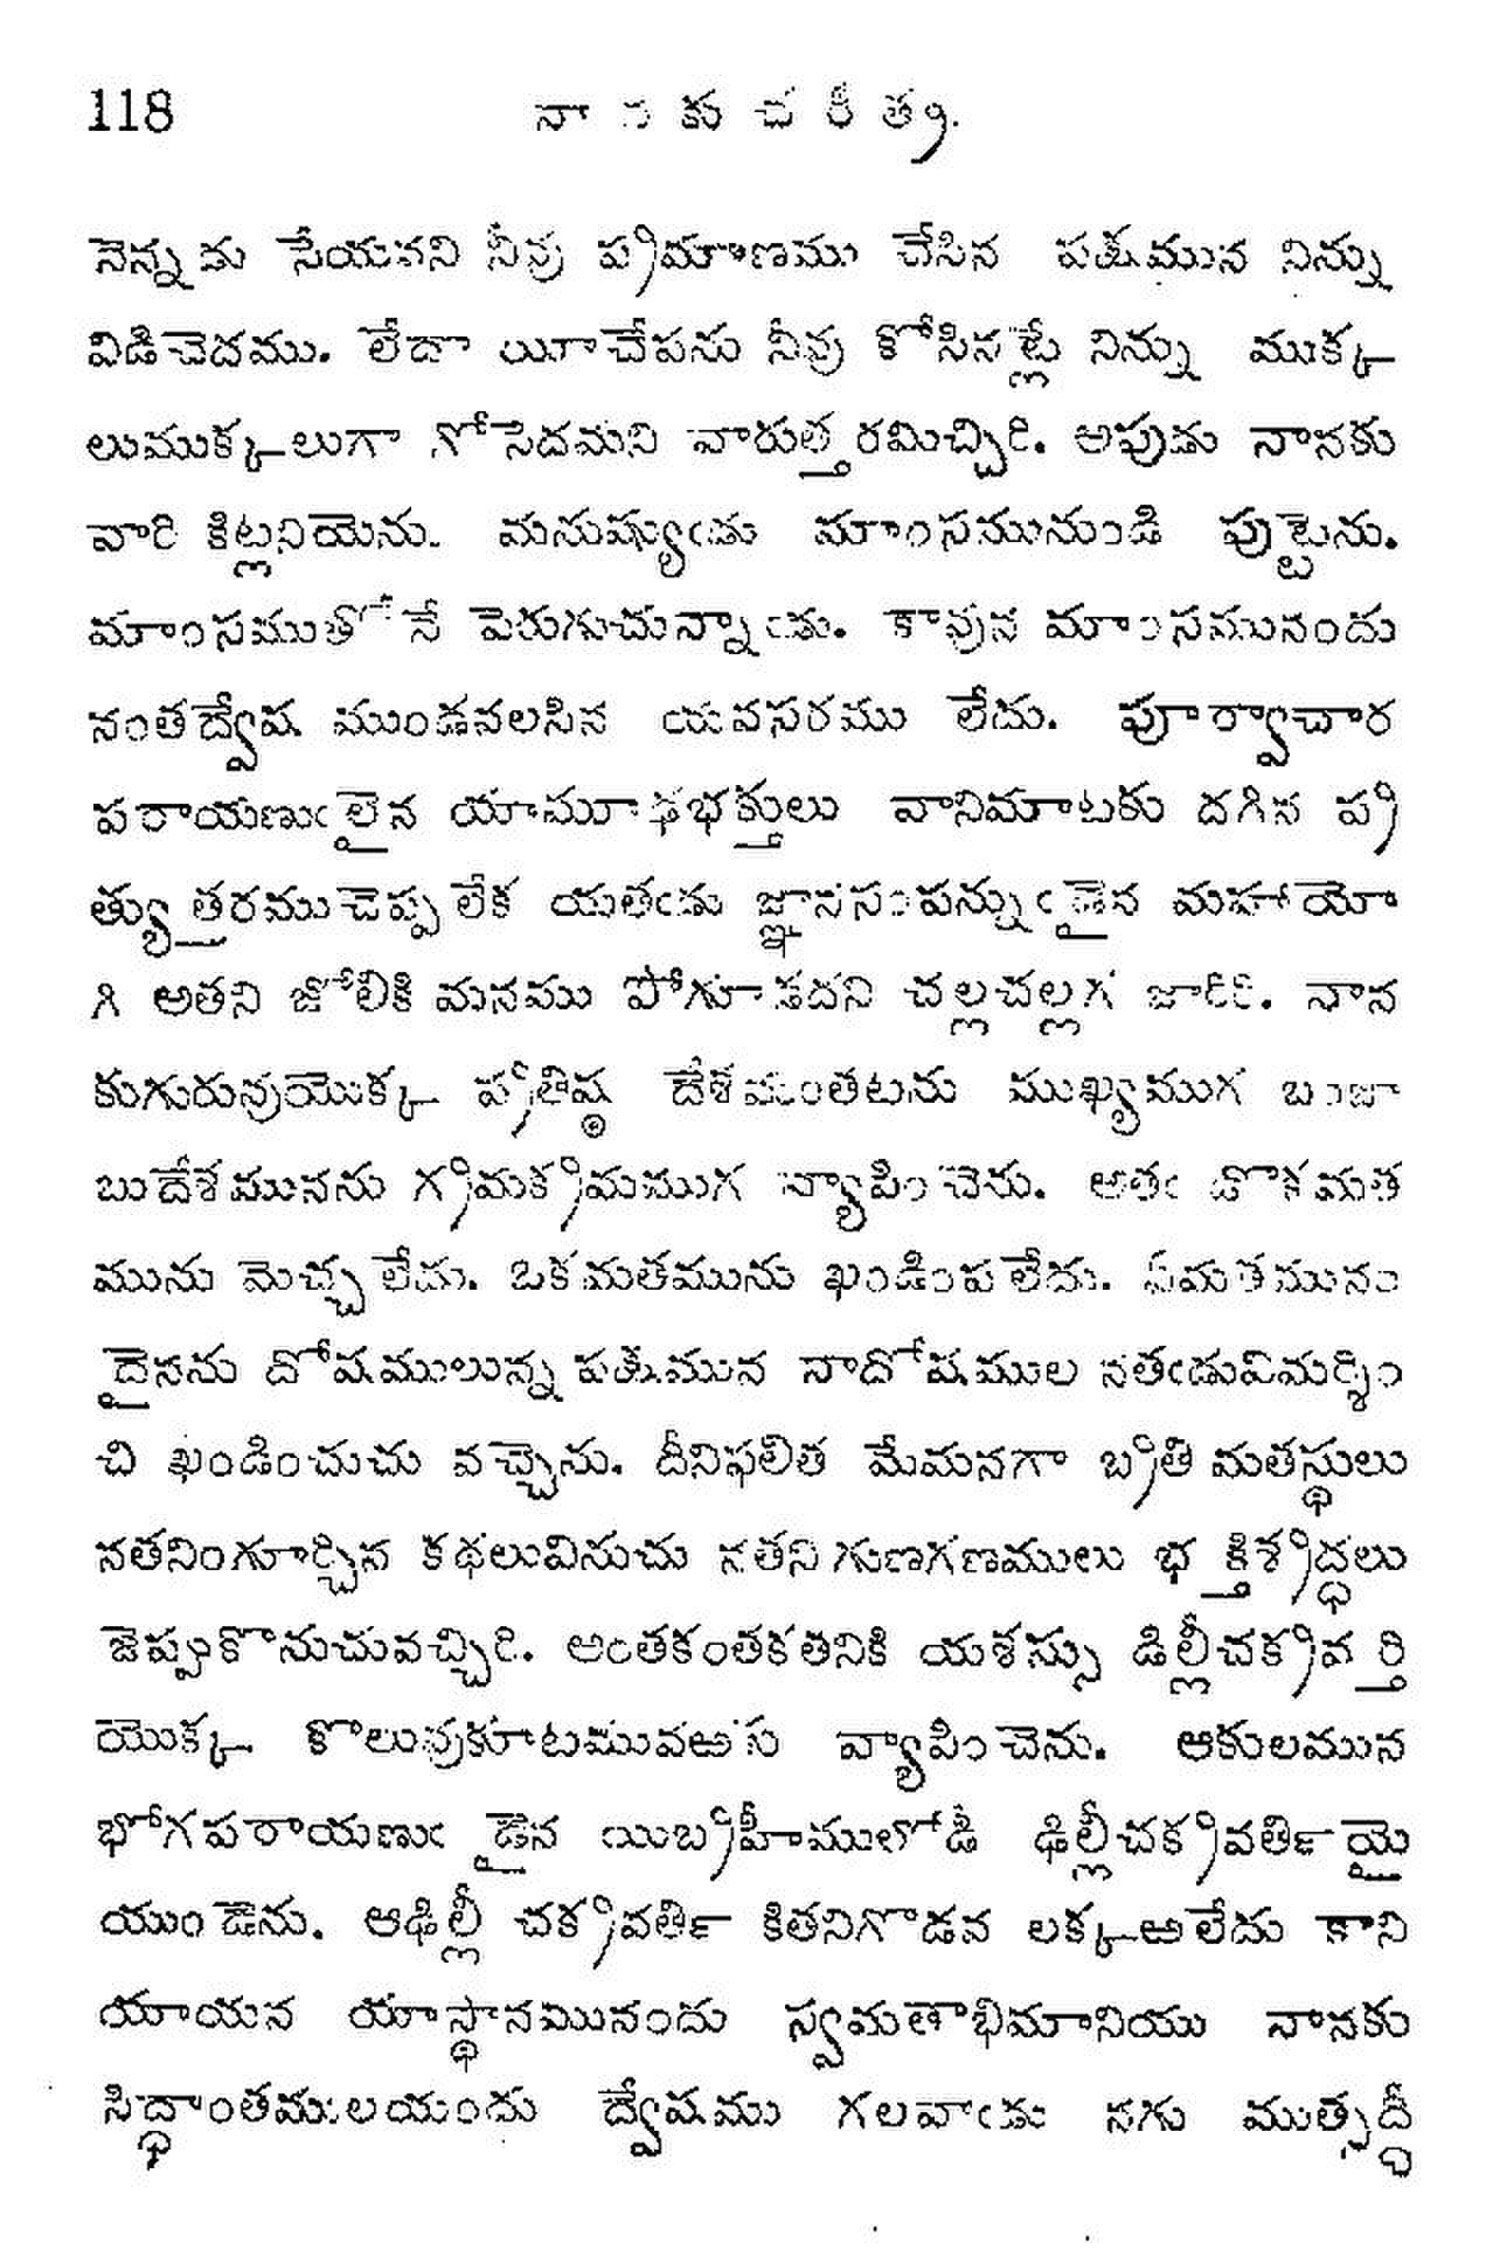నెన్నడు సేయవని నీవు ప్రమాణము చేసిన పక్షమున నిన్ను విడిచెదము. లేదా యీచేపను నీవు కోసినట్లే నిన్ను ముక్కలుముక్కలుగా గోసెదమని వారుత్తరమిచ్చిరి. అపుడు నానకు వారి కిట్లనియెను. మనుష్యుడు మాంసమునుండి పుట్టెను. మాంసముతోనే పెరుగుచున్నాడు. కావున మాంసమునందు నంతద్వేష ముండవలసిన యవసరము లేదు. పూర్వాచార పరాయణులైన యామూడభక్తులు వానిమాటకు దగిన ప్రత్యుత్తరము చెప్పలేక యతడు జ్ఞానసంపన్నుడైన మహాయోగి అతని జోలికి మనము పోగూడదని చల్లచల్లగ జారిరి. నానకుగురువుయొక్క ప్రతిష్ఠ దేశమంతటను ముఖ్యముగ బంజాబుదేశమునను గ్రమక్రమముగ వ్యాపించెను. అత డొకమతమును మెచ్చలేదు. ఒక మతమును ఖండింపలేదు. ఏమతమునందైనను దోషములున్న పక్షమున నాదోషముల నతడువిమర్శించి ఖండించుచు వచ్చెను. దీనిఫలిత మేమనగా బ్రతి మతస్థులు నతనింగూర్చిన కథలువినుచు నతని గుణగణములు భక్తిశ్రద్ధలు జెప్పుకొనుచువచ్చిరి. అంతకంతకతనికి యశస్సు డిల్లీచక్రవర్తి యొక్క కొలువుకూటమువఱకు వ్యాపించెను. ఆకులమున భోగపరాయణు డైన యిబ్రహీములోడీ డిల్లీచక్రవర్తిన్‌యై యుండెను. ఆడిల్లీ చక్రవతిన్ కితనిగొడవ లక్కఱలేదు కాని యాయన యాస్థానమునందు స్వమతాభిమానియు నానకు సిద్ధాంతములయందు ద్వేషము గలవాడు నగు ముత్సద్దీ